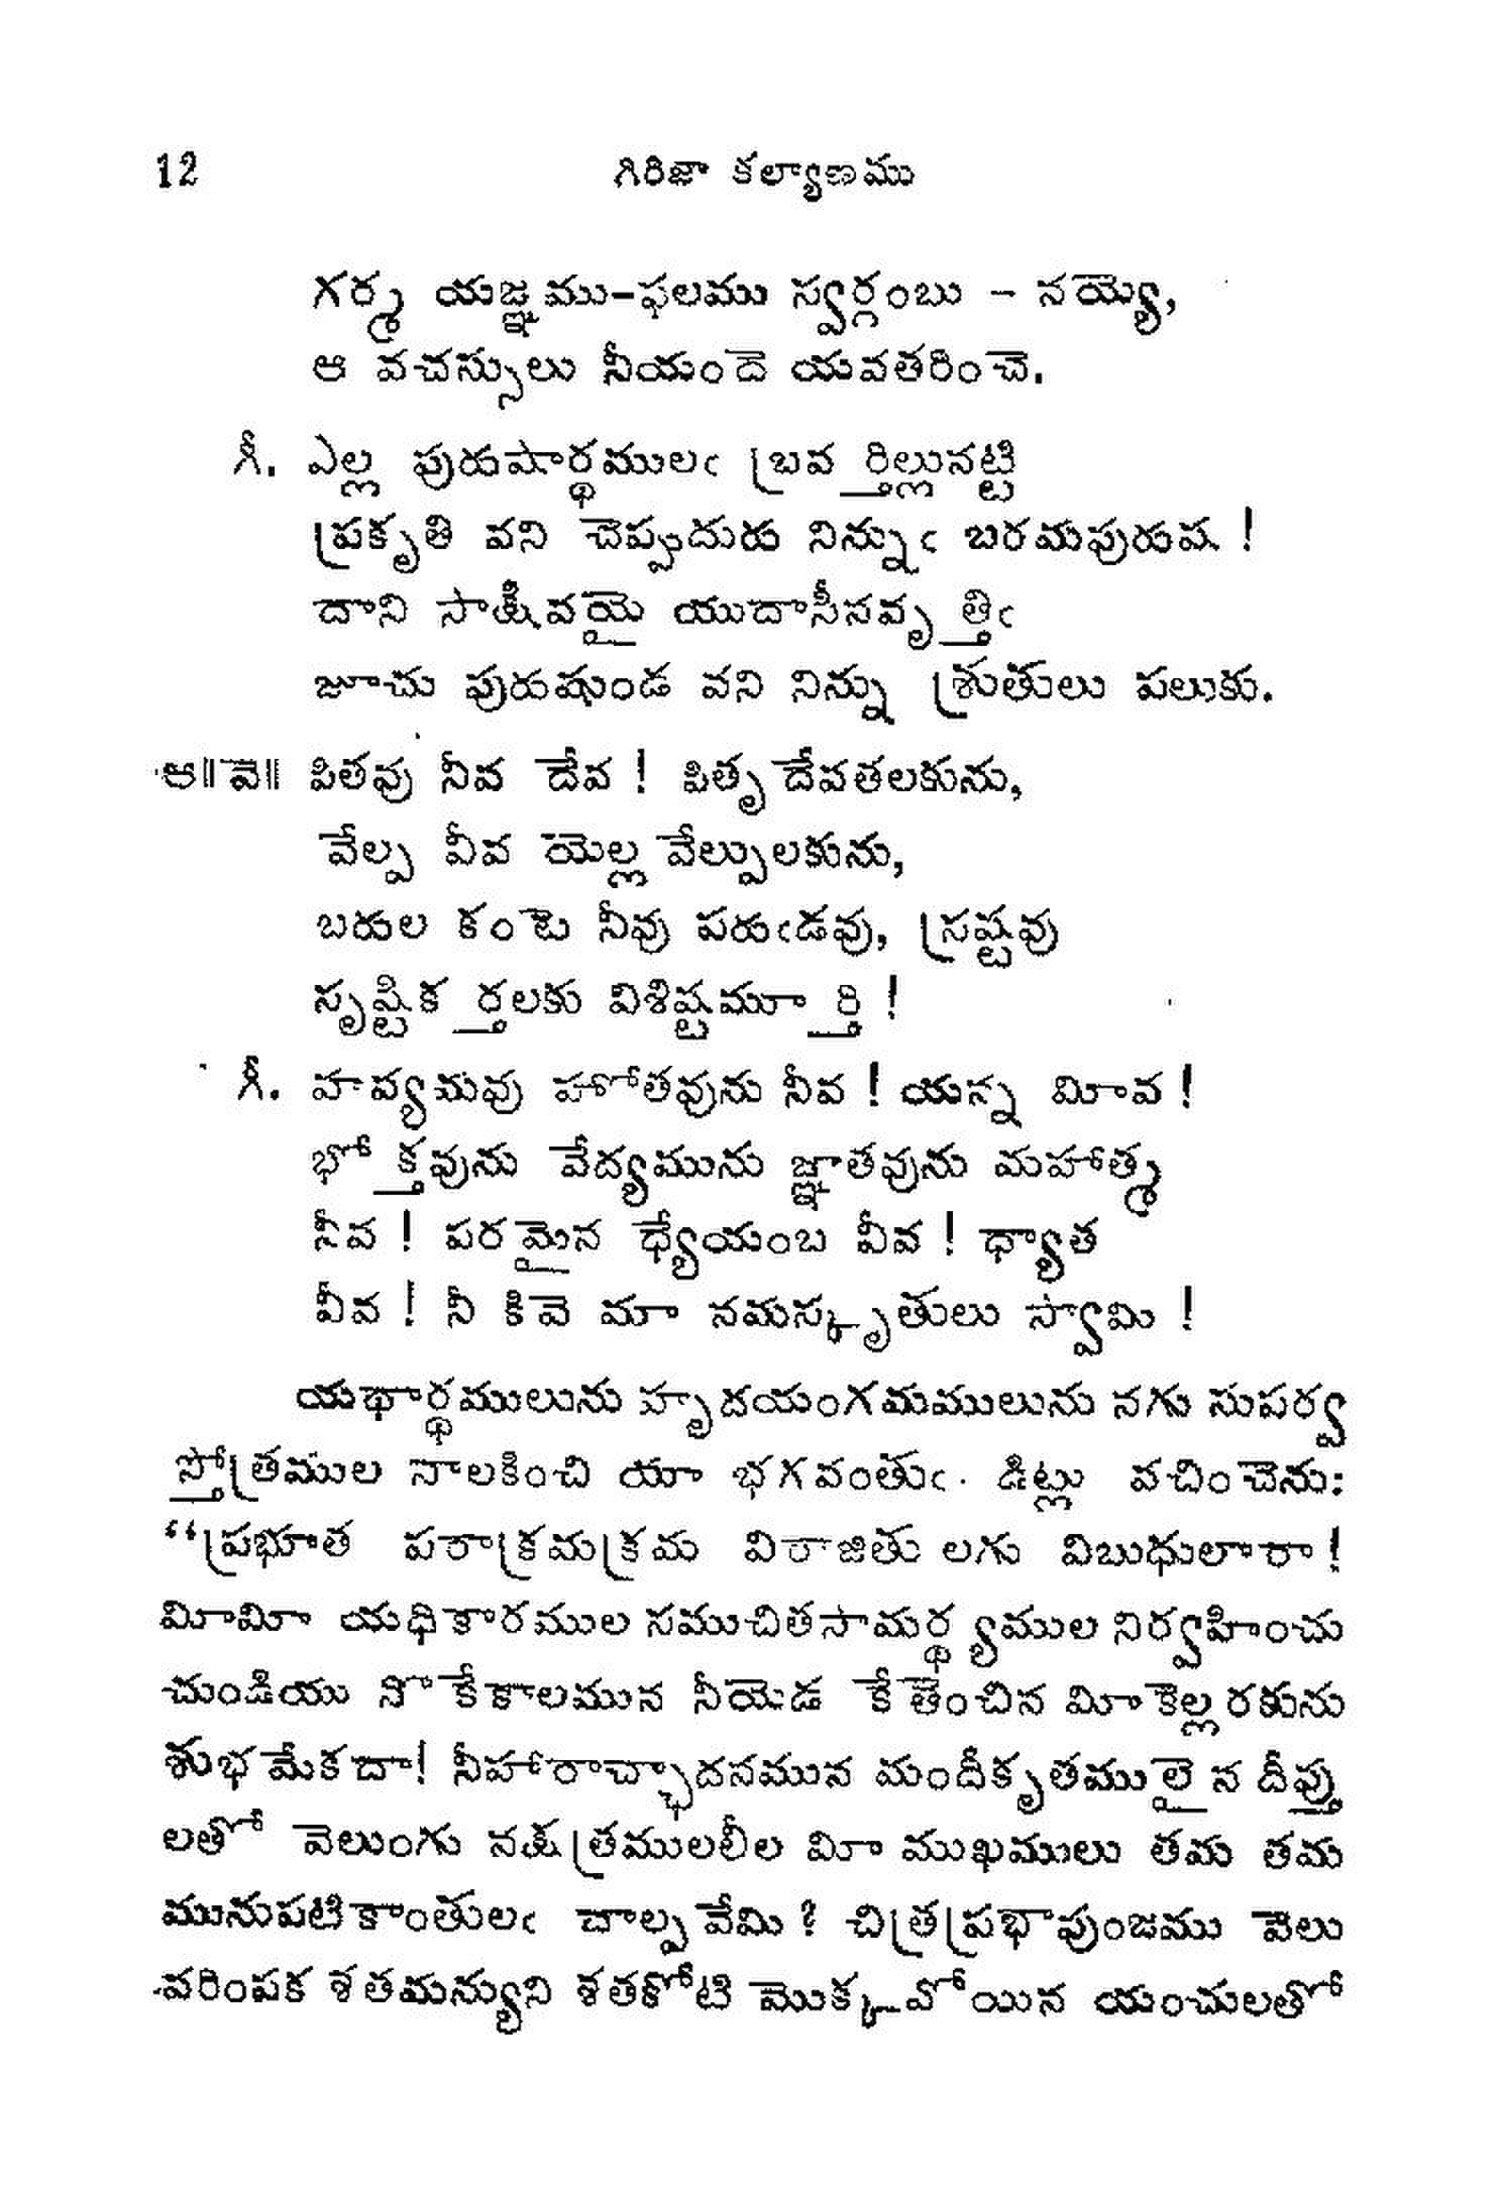గర్మ యజ్ఞము-ఫలము స్వర్గంబు - నయ్యె,
ఆ వచస్సులు నీయందె యవతరించె.

గీ. ఎల్ల పురుషార్థములఁ బ్రవర్తిల్లునట్టి
ప్రకృతి వని చెప్పుదురు నిన్నుఁ బరమపురుష !
దాని సాక్షివయై యుదాసీనవృత్తిఁ
జూచు పురుషుండ వని నిన్ను శ్రుతులు పలుకు.

ఆ॥ వె॥ పితవు నీవ దేవ! పితృ దేవతలకును,
వేల్ప వీవ యెల్ల వేల్పులకును,
బరుల కంటె నీవు పరుఁడవు, స్రష్టవు
సృష్టిక ర్తలకు విశిష్టమూర్తి !

గీ. హవ్యమవు హోతవును నీవ ! యన్న మీవ !
భోక్తవును వేద్యమును జ్ఞాతవును మహాత్మ
నీప! పరమైన ధ్యేయంబ వీవ ! ధ్యాత
వీవ ! నీ కివె మా నమస్కృతులు స్వామి !

యథార్థములును హృదయంగమములును నగు సుపర్వ స్తోత్రముల నాలకించి యా భగవంతుఁ డిట్లు వచించెను;
"ప్రభూత పరాక్రమక్రమ విరాజితు లగు విబుధులారా! మీ మీ యధికారముల సముచితసామర్థ్యముల నిర్వహించు
చుండియు నొ కేకాలమున నీయెడ కేతెంచిన మీకెల్ల రకును శుభమేకదా ! నీహారాచ్ఛాదనమున మందీకృతము లైన దీప్తు
లతో వెలుంగు నక్షత్రములలీల మీ ముఖములు తమ తమ మునుపటి కాంతులఁ దాల్పవేమి? చిత్రప్రభాపుంజము వెలు
వరింపక శతమన్యుని శతకోటి మొక్కవోయిన యంచులతో